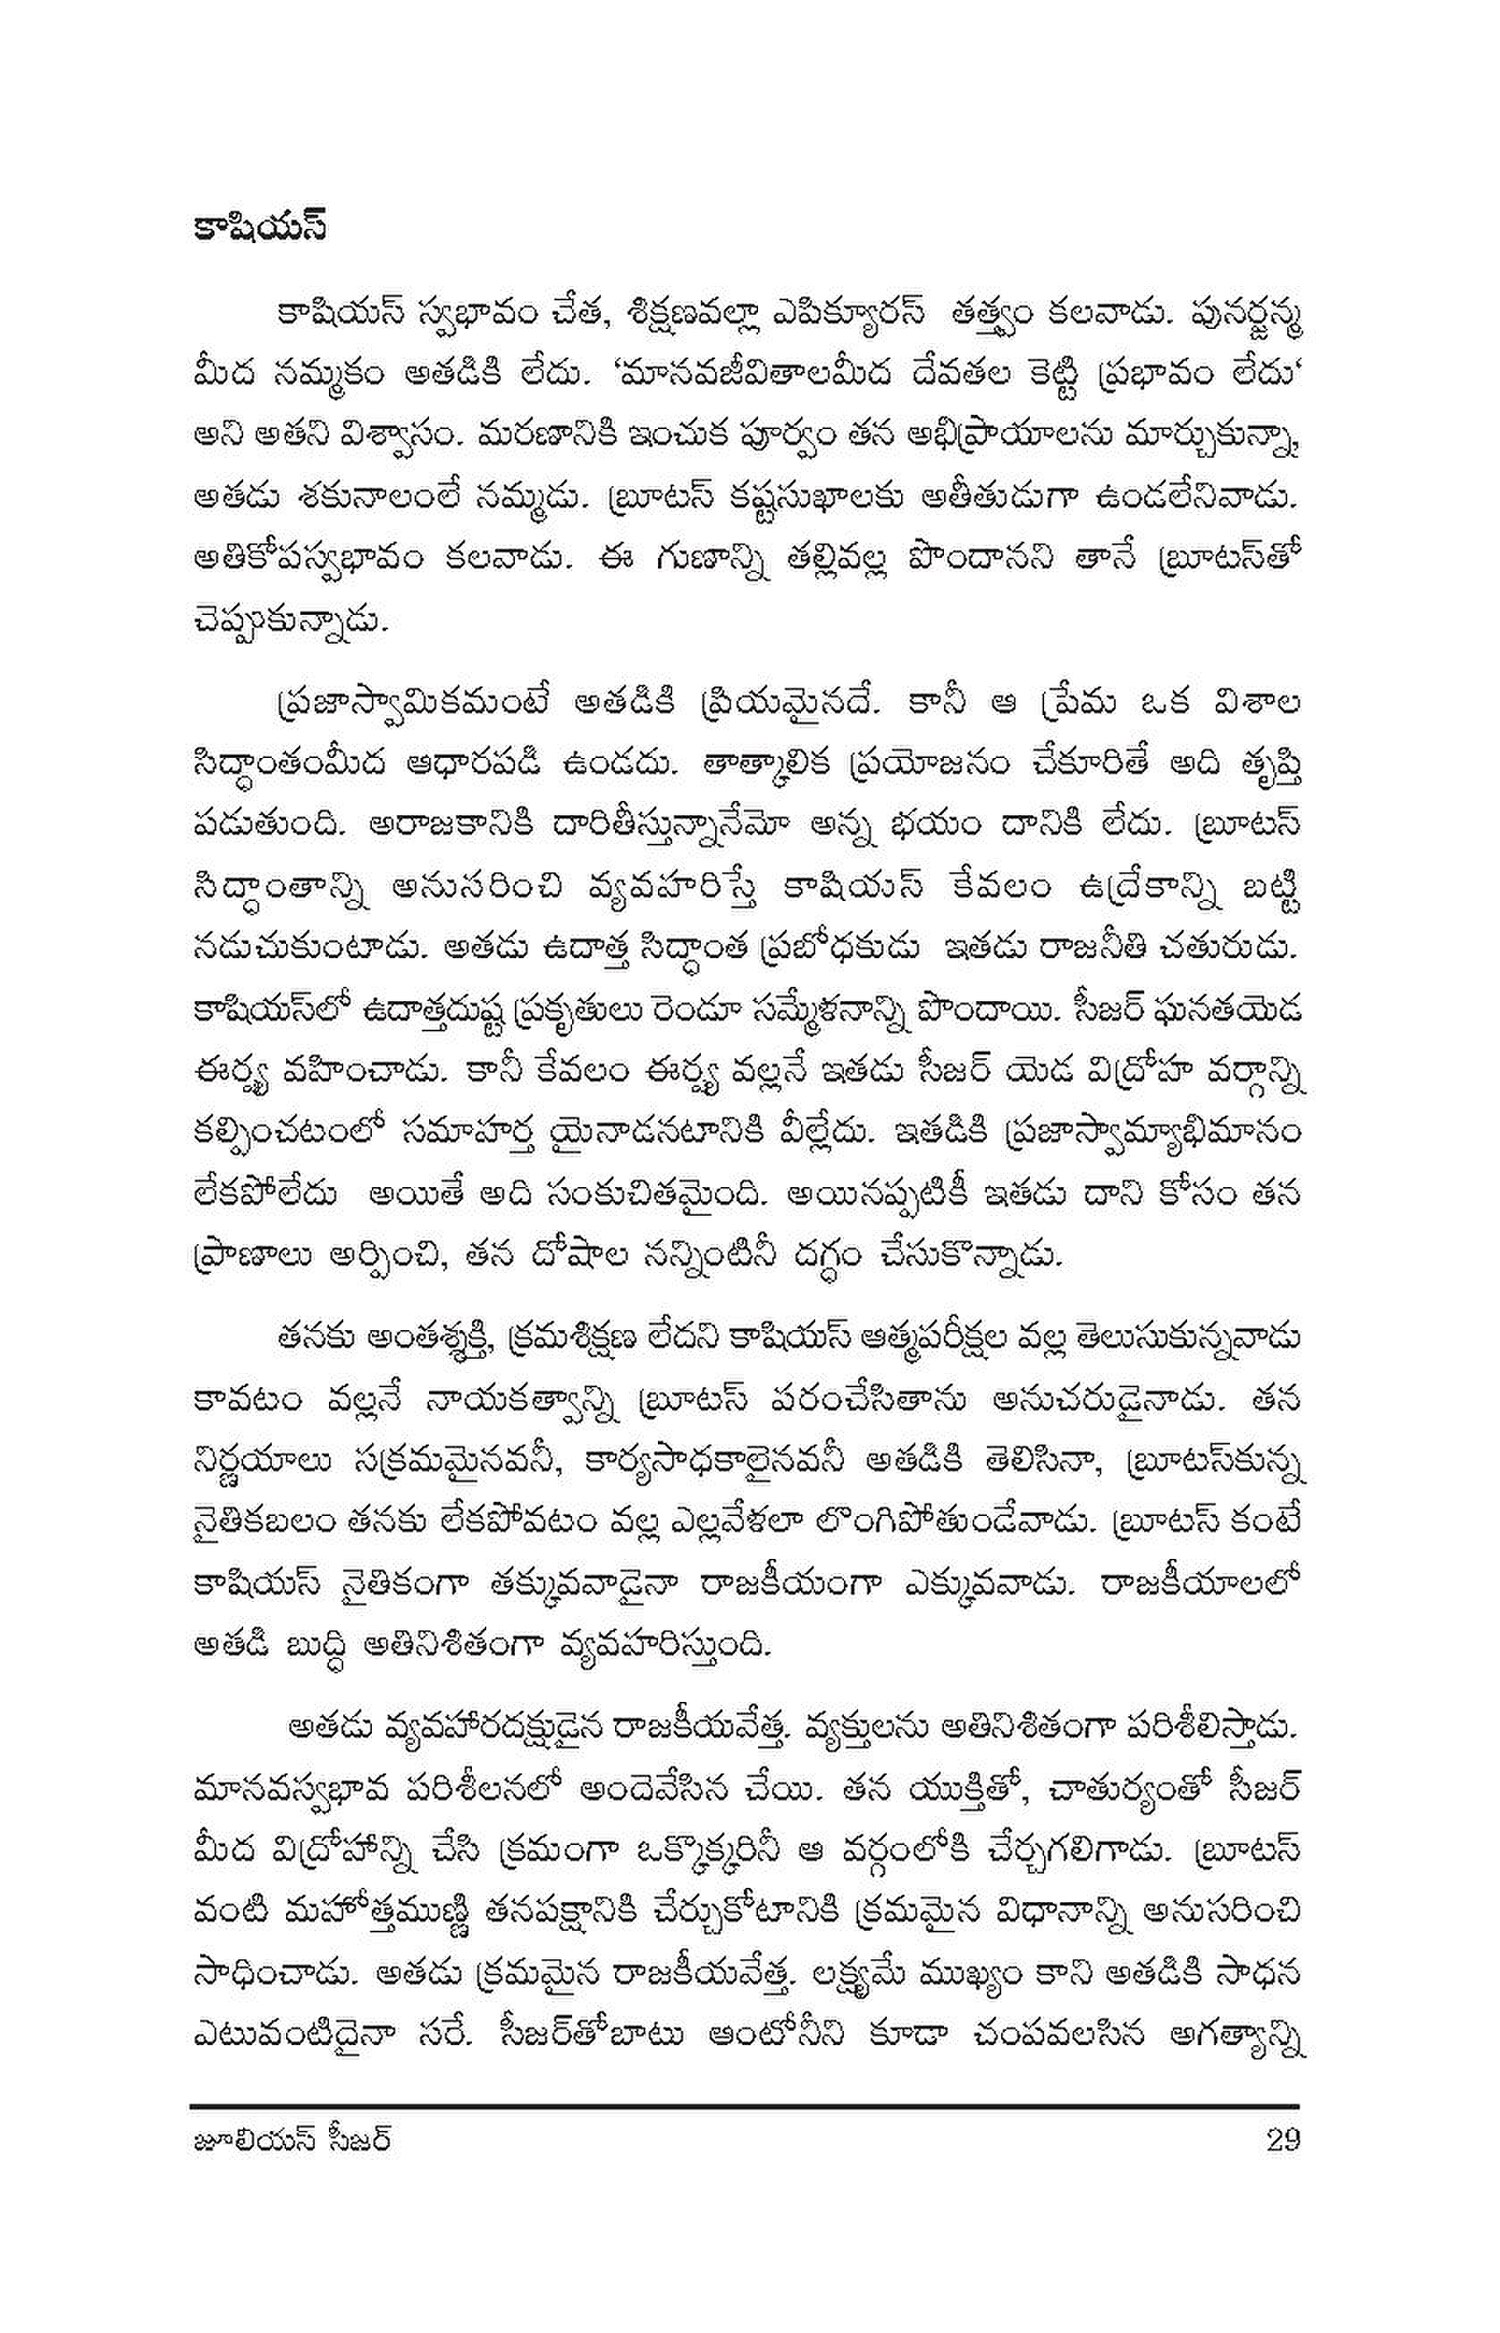కాషియస్ స్వభావం చేత, శిక్షణవల్లా ఎపిక్యూరస్ తత్త్వం కలవాడు. పునర్జన్మ మీద నమ్మకం అతడికి లేదు. 'మానవ జీవితాలమీద దేవతల కెట్టి ప్రభావం లేదు' అని అతని విశ్వాసం. మరణానికి ఇంచుక పూర్వం తన అభిప్రాయాలను మార్చుకున్నా, అతడు శకునాలంటే నమ్మడు. బ్రూటస్ కష్టసుఖాలకు అతీతుడుగా ఉండలేనివాడు. అతికోపస్వభావం కలవాడు. ఈ గుణాన్ని తల్లివల్ల పొందానని తానే బ్రూటస్ తొ చెప్పుకున్నాడు.

ప్రజాస్వామికమంటే అతడికి ప్రియమైనదే. కానీ ఆ ప్రేమ ఒక విశాల సిద్ధాంతంమీద ఆధారపడి ఉండదు. తాత్కాలిక ప్రయోజనం చేకూరితే అది తృప్తి పడుతుంది. అరాజకానికి దారితీస్తున్నానేమో అన్న భయం దానికి లేదు. బ్రూటస్
సిద్ధాంతాన్ని అనుసరించి వ్యవహరిస్తే కాషియస్ కేవలం ఉద్రేకాన్ని బట్టి నడుచుకుంటాడు. అతడు ఉదాత్త సిద్ధాంత ప్రబోధకుడు ఇతడు రాజనీతి చతురుడు. కాషియస్లో ఉదాత్తదుష్ట ప్రకృతులు రెండూ సమ్మేళనాన్ని పొందాయి. సీజర్ ఘనతయెడ ఈర్ష్య వహించాడు. కానీ కేవలం ఈర్ష్య వల్లనే ఇతడు సీజర్ యెడ విద్రోహ వర్గాన్ని కల్పించటంలో సమాహర్త యైనాడనటానికి వీల్లేదు. ఇతడికి ప్రజాస్వామ్యాభిమానం లేకపోలేదు అయితే అది సంకుచితమైంది. అయినప్పటికీ ఇతడు దాని కోసం తన ప్రాణాలు అర్పించి, తన దోషాల నన్నింటినీ దగ్ధం చేసుకొన్నాడు.

తనకు అంతశ్శక్తి, క్రమశిక్షణ లేదని కాషియస్ ఆత్మపరీక్షల వల్ల తెలుసుకున్నవాడు కావటం వల్లనే నాయకత్వాన్ని బ్రూటస్ పరంచేసితాను అనుచరుడైనాడు. తన నిర్ణయాలు సక్రమమైనవనీ, కార్యసాధకాలైనవనీ అతడికి తెలిసినా, బ్రూటస్ కున్న నైతికబలం తనకు లేకపోవటం వల్ల ఎల్లవేళలా లొంగిపోతుండేవాడు. బ్రూటస్ కంటే కాషియస్ నైతికంగా తక్కువవాడైనా రాజకీయంగా ఎక్కువవాడు. రాజకీయాలలో అతడి బుద్ది అతినిశితంగా వ్యవహరిస్తుంది.

అతడు వ్యవహారదక్షుడైన రాజకీయవేత్త. వ్యక్తులను అతినిశితంగా పరిశీలిస్తాడు. మానవస్వభావ పరిశీలనలో అందెవేసిన చేయి. తన యుక్తితో, చాతుర్యంతో సీజర్ మీద విద్రోహాన్ని చేసి క్రమంగా ఒక్కొక్కరినీ ఆ వర్గంలోకి చేర్చగలిగాడు. బ్రూటస్
వంటి మహోత్తముణ్ణి తనపక్షానికి చేర్చుకోటానికి క్రమమైన విధానాన్ని అనుసరించి సాధించాడు. అతడు క్రమమైన రాజకీయవేత్త. లక్ష్యమే ముఖ్యం కాని అతడికి సాధన ఎటువంటిదైనా సరే. సీజర్ తోబాటు ఆంటోనీని కూడా చంపవలసిన అగత్యాన్ని